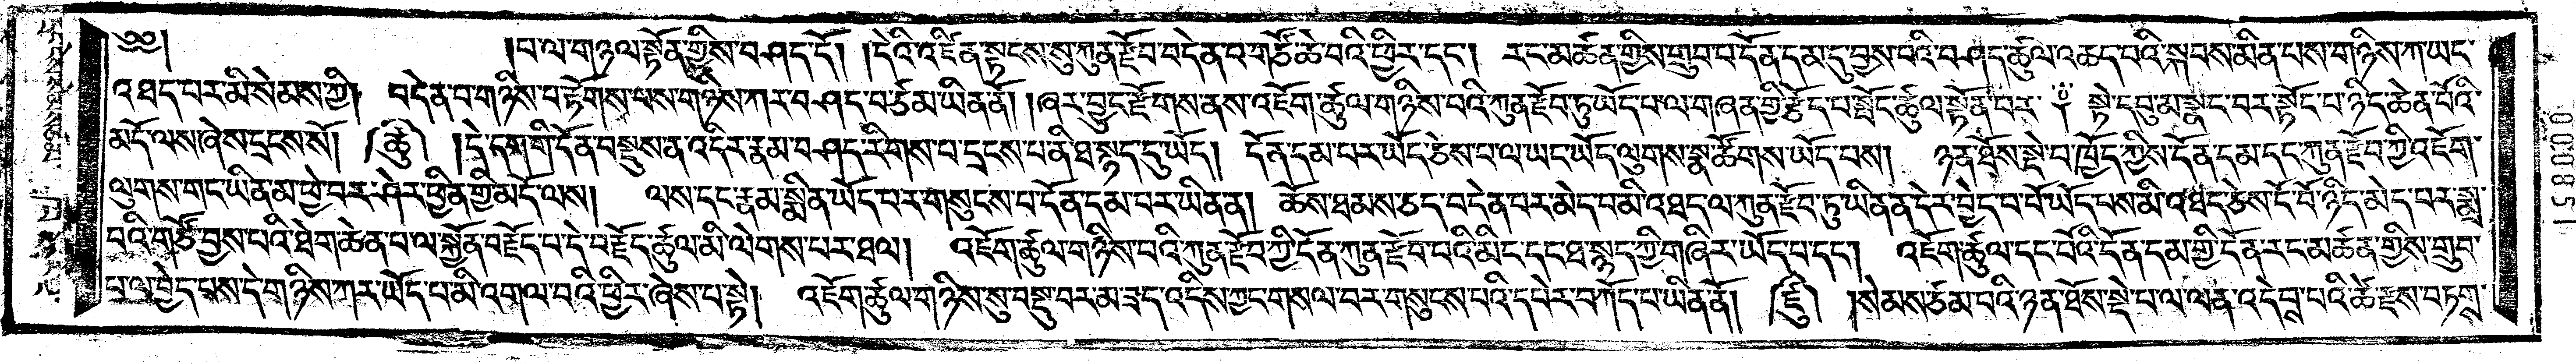༄༅། །པ་ལ་གཉལ་སྟོན་གྱིས་བཤད་དོ། །དེའི་འཛིན་སྟངས་སུ་ཀུན་རྫོབ་བདེན་པ་གཙོ་ཆེ་བའི་ཕྱིར་དང་། རང་མཚན་གྱིས་གྲུབ་པ་དོན་དམ་དུ་བྱས་པའི་བཤད་ཚུལ་འཆད་པའི་སྐབས་མིན་པས་གཉིས་ཀ་ཡང་
འཐད་པར་མི་སེམས་ཀྱི། བདེན་པ་གཉིས་པ་རྟོགས་པས་གཉིས་ཀར་བཤད་པ་ཙམ་ཡིན་ནོ། །ཞར་བྱུང་རྫོགས་ནས་འཇོག་ཚུལ་གཉིས་པའི་ཀུན་རྫོབ་ཏུ་ཡོད་པ་ལ་གཞན་གྱི་རྩོད་པ་སྤོང་ཚུལ་སྟོན་པར་༈ སྟེ་དབུ་མ་སྣང་བར་སྟོང་པ་ཉིད་ཆེན་པོའི་
མདོ་ལས་ཞེས་དྲངས་སོ། ༼ཚུ༽ །དེ་དག་གི་དོན་བསྡུས་ན་འདིར་རྣམ་བཤད་རིགས་པ་དྲངས་པ་ནི་ཐ་སྙད་དུ་ཡོད། དོན་དམ་པར་ཡོད་ཅེས་པ་ལ་ཡང་ཡོད་ལུགས་སྣ་ཚོགས་ཡོད་པས། ཉན་ཐོས་སྡེ་པ་ཁྱོད་ཀྱིས་དོན་དམ་དང་ཀུན་རྫོབ་ཀྱི་འཇོག་
ལུགས་གང་ཡིན་མ་ཕྱེ་བར་ཤེར་ཕྱིན་གྱི་མདོ་ལས། ལས་དང་རྣམ་སྨིན་ཡོད་པར་གསུངས་པ་དོན་དམ་པར་ཡིན་ན། ཆོས་ཐམས་ཅད་བདེན་པར་མེད་པ་མི་འཐད་ལ་ཀུན་རྫོབ་ཏུ་ཡིན་ན་དེར་བྱེད་པ་པོ་ཡོད་པས་མི་འཐད་ཅེས་ངོ་བོ་ཉིད་མེད་པར་སྨྲ་
བའི་གཙོ་བྱས་པའི་ཐེག་ཆེན་པ་ལ་སྐྱོན་བརྗོད་པ་དེ་བརྗོད་ཚུལ་མི་ལེགས་པར་ཐལ། འཇོག་ཚུལ་གཉིས་པའི་ཀུན་རྫོབ་ཀྱི་དོན་ཀུན་རྫོབ་པའི་མིང་དང་ཐ་སྙད་ཀྱི་གཞིར་ཡོད་པ་དང་། འཇོག་ཚུལ་དང་པོའི་དོན་དམ་གྱི་དོན་རང་མཚན་གྱིས་གྲུབ་
པ་ལ་བྱེད་པས་དེ་གཉིས་ཀར་ཡོད་པ་མི་འགལ་བའི་ཕྱིར་ཞེས་པ་སྟེ། འཇོག་ཚུལ་གཉིས་སུ་བསྡུ་བར་མ་ཟད་འདིས་ཀྱང་གསལ་བར་གསུངས་པའི་དཔེར་བཀོད་པ་ཡིན་ནོ། ༼ཛུ༽ སེམས་ཙམ་པའི་ཉན་ཐོས་སྡེ་པ་ལ་ལན་འདེབས་པའི་ཚེ་རྫས་བཏགས་